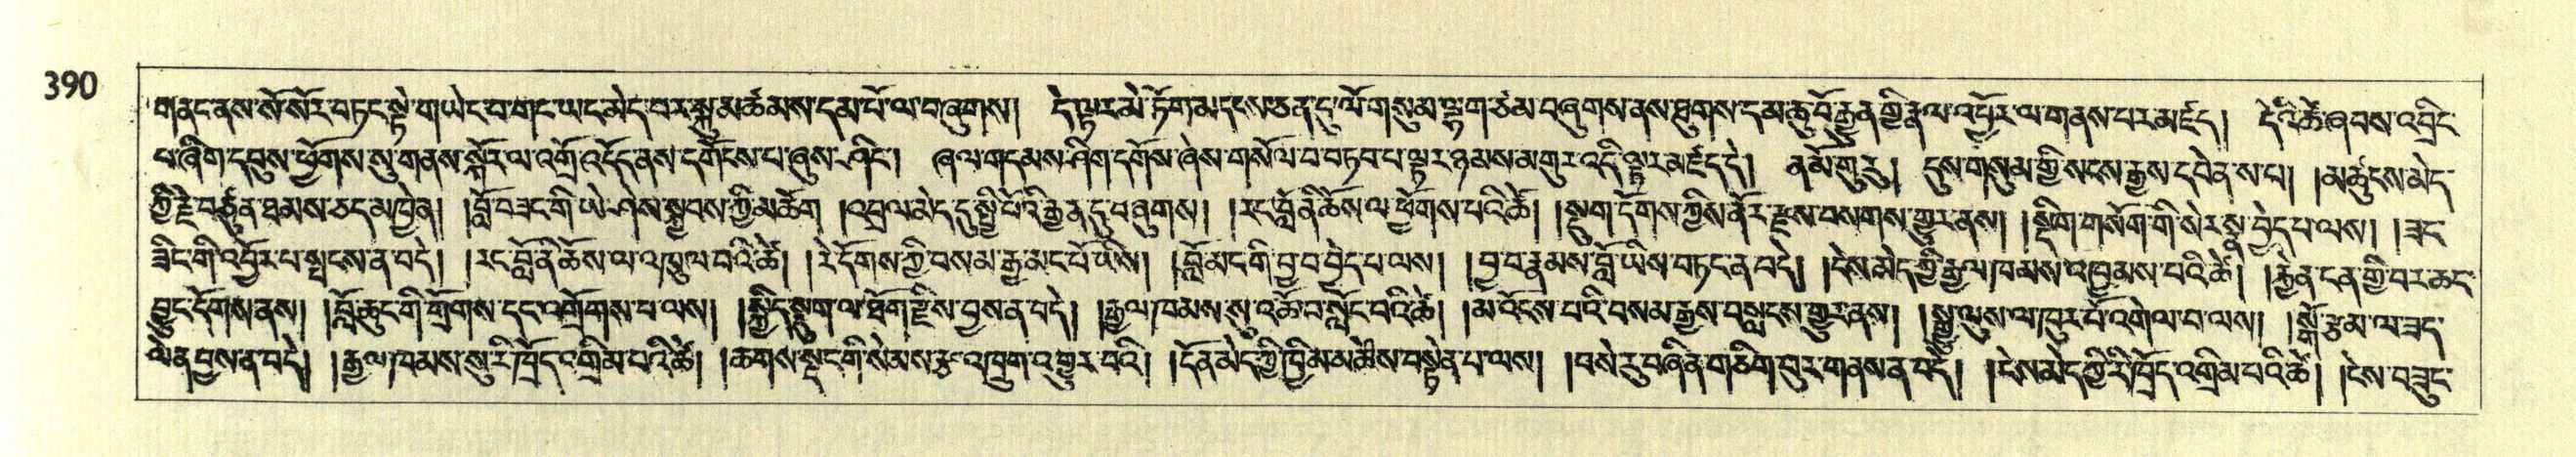གནང་ནས་སོ་སོར་བཏང་སྟེ་གཡེང་བ་གང་ཡང་མེད་བར་སྐུ་མཚམས་དམ་པོ་ལ་བཞུགས། དེ་ལྟར་མེ་ཏོག་མདངས་ཅན་དུ་ལོ་གསུམ་ལྷག་ཙམ་བཞུགས་ནས་ཐུགས་དམ་ཆུ་བོ་རྒྱུན་གྱི་རྣལ་འབྱོར་ལ་གནས་པར་མཛད། དེའི་ཚེ་ཞབས་འབྲིང་
པ་ཞིག་དབུས་ཕྱོགས་སུ་གནས་སྐོར་ལ་འགྲོ་འདོད་ནས་དགོངས་པ་ཞུས་ཤིང་། ཞལ་གདམས་ཤིག་དགོས་ཞེས་གསོལ་བ་བཏབ་པ་ལྟར་ཉམས་མགུར་འདི་ལྟར་མཛད་དེ། ན་མོ་གུ་རུ། དུས་གསུམ་གྱི་སངས་རྒྱས་དབེན་ས་པ། །མཚུངས་མེད་
ཀྱི་རྗེ་བཙུན་ཐམས་ཅད་མཁྱེན། །བློ་བཟང་གི་ཡེ་ཤེས་སྐྱབས་ཀྱི་མཆོག །འབྲལ་མེད་དུ་སྤྱི་པོའི་རྒྱན་དུ་བཞུགས། །རང་བློ་ནི་ཆོས་ལ་ཕྱོགས་པའི་ཚེ། །སྡུག་དོགས་ཀྱིས་ནོར་རྫས་བསགས་གྱུར་ནས། །སྡིག་གསོག་གི་སེར་སྣ་བྱེད་པ་ལས། །ཟང་
ཟིང་གི་འབྱོར་པ་སྤངས་ན་བདེ། །རང་བློ་ནི་ཆོས་ལ་འཁུལ་བའི་ཚེ། །རེ་དོགས་ཀྱི་བསམ་རྒྱ་མང་པོ་ཡིས། །བློ་མང་གི་བྱ་བ་བྱེད་པ་ལས། །བྱ་བ་རྣམས་བློ་ཡིས་བཏང་ན་བདེ། །ངེས་མེད་ཀྱི་རྒྱལ་ཁམས་འཁྱམས་པའི་ཚེ། །རྐྱེན་ངན་གྱི་བར་ཆང་
བྱུང་དོགས་ནས། །བློ་ཆུང་གི་གྲོགས་དང་འགྲོགས་པ་ལས། །སྐྱིད་སྡུག་ལ་ཐོག་རྫིས་བྱས་ན་བདེ། །རྒྱལ་ཁམས་སུ་འཆོ་བ་སློང་བའི་ཚེ། །མ་འོངས་པའི་བསམ་རྒྱས་བསླངས་གྱུར་ནས། །སྒྱུ་ལུས་ལ་ཁུར་པོ་འགྲེལ་བ་ལས། །སྒོ་རྩམ་ལ་ཟད་
ལེན་བྱས་ན་བདེ། །རྒྱལ་ཁམས་སུ་རི་ཁྲོད་འགྲིམ་པའི་ཚེ། །ཆགས་སྡང་གི་སེམས་རྩ་འཁྲུག་འགྱུར་བའི། །དོན་མེད་ཀྱི་ཁྱིམ་མཚེས་བསྟེན་པ་ལས། །བསེ་རུ་བཞིན་གཅིག་བུར་གནས་ན་བདེ། །ངེས་མེད་ཀྱི་རི་ཁྲོད་འགྲིམ་པའི་ཚེ། །ངེས་བཟུང་